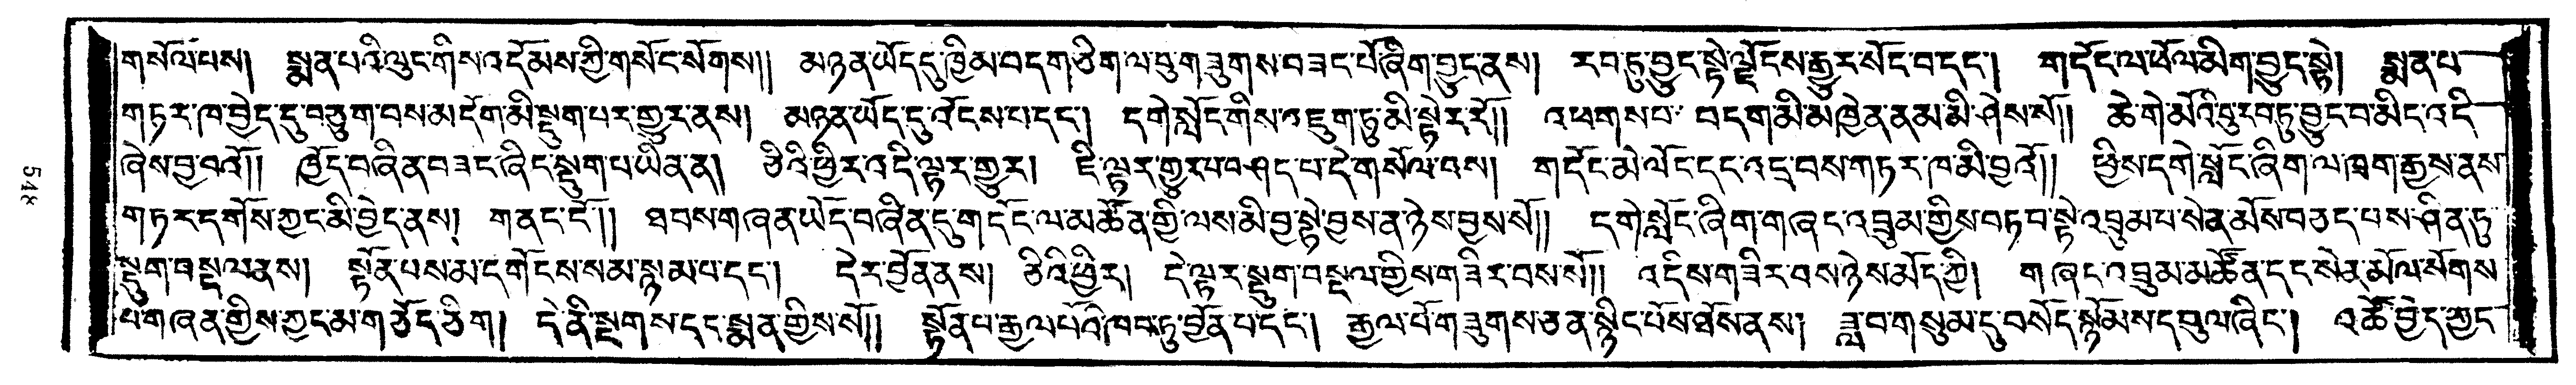གསོལ་པས། སྨན་པའི་ལུང་གིས་འདོམས་ཀྱི་གསོ་ང་སོགས།། མཉན་ཡོད་དུ་ཁྱིམ་བདག་ཅིག་ལ་བུ་གཟུགས་བཟང་པོ་ཞིག་བྱུང་ནས། རབ་ཏུ་བྱུང་སྟེ་ལྗོངས་རྒྱུར་སོང་བ་དང་། གདོང་ལ་ཕོལ་མིག་བྱུང་སྟེ། སྨན་པ་
གཏར་ཁ་བྱེད་དུ་བཅུག་བས་མདོག་མི་སྡུག་པར་གྱུར་ནས། མཉན་ཡོད་དུ་འོངས་པ་དང་། དགེ་སློང་གིས་འཇུག་ཏུ་མི་སྟེར་རོ།། འཕགས་པ་བདག་མི་མཁྱེན་ནམ་མི་ཤེས་སོ།། ཆེ་གེ་མོའི་བུ་རབ་ཏུ་བྱུང་བ་མིང་འདི་
ཞེས་བྱ་བའོ།། ཁྱོད་བཞིན་བཟང་ཞིང་སྡུག་པ་ཡིན་ན། ཅིའི་ཕྱིར་འདི་ལྟར་གྱུར། ཇི་ལྟར་གྱུར་པ་བཤད་པ་དེ་གསོལ་བས། གདོང་མེ་ལོང་དང་འདྲ་བས་གཏར་ཁ་མི་བྱའོ།། ཕྱིས་དགེ་སློང་ཞིག་ལ་ཁྲག་རྒྱས་ནས་
གཏར་དགོས་ཀྱང་མི་བྱེད་ནས། གནང་ངོ།། ཐབས་གཞན་ཡོད་བཞིན་དུ་གདོང་ལ་མཚོན་གྱི་ལས་མི་བྱ་སྟེ་བྱས་ན་ཉེས་བྱས་སོ།། དགེ་སློང་ཞིག་གཞང་འབྲུམ་གྱིས་བཏབ་སྟེ་འབྲུམ་པ་སེན་མོས་བཅད་པས་ཤིན་ཏུ་
སྡུག་བསྔལ་ནས། སྟོན་པས་མ་དགོངས་སམ་སྙམ་པ་དང་། དེར་བྱོན་ནས། ཅིའི་ཕྱིར། དེ་ལྟར་སྡུག་བསྔལ་གྱིས་གཟིར་བས་སོ།། འདིས་གཟིར་བས་ཉེས་མོད་ཀྱི། གཞང་འབྲུམ་མཚོན་དང་སེན་མོལ་སོགས་
པ་གཞན་གྱིས་ཀྱང་མ་གཅོད་ཅིག། དེ་ནི་སྔགས་དང་སྨན་གྱིས་སོ།། སྟོན་པ་རྒྱལ་པོའི་ཁབ་ཏུ་བྱོན་པ་དང་། རྒྱལ་པོ་གཟུགས་ཅན་སྙིང་པོས་ཐོས་ནས། ཟླ་བ་གསུམ་དུ་བསོད་སྙོམས་དབུལ་ཞིང་། འཚོ་བྱེད་ཀྱང་